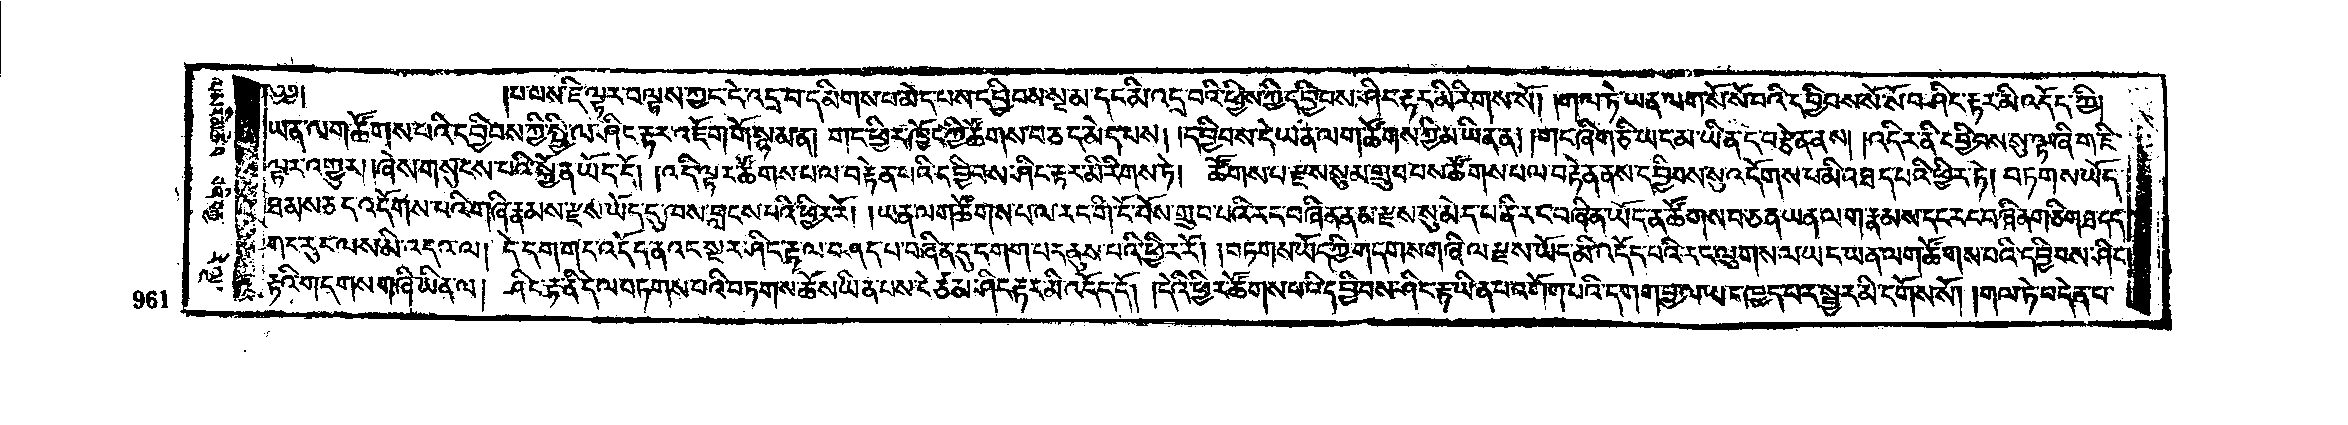༄༅། །པ་ལས་ཇི་ལྟར་བལྟས་ཀྱང་དེ་འདྲ་བ་དམིགས་པ་མེད་པས་དབྱིབས་སྔ་མ་དང་མི་འདྲ་བའི་ཕྱིས་ཀྱི་དབྱིབས་ཤིང་རྟར་མི་རིགས་སོ། །གལ་ཏེ་ཡན་ལག་སོ་སོ་བའི་དབྱིབས་སོ་སོ་བ་ཤིང་རྟར་མི་འདོད་ཀྱི།
ཡན་ལག་ཚོགས་པའི་དབྱིབས་ཀྱི་སྤྱི་ལ་ཤིང་རྟར་འཇོག་གོ་སྙམ་ན། གང་ཕྱིར་ཁྱོད་ཀྱི་ཚོགས་པ་ཅང་མེད་པས། །དབྱིབས་དེ་ཡན་ལག་ཚོགས་ཀྱི་མ་ཡིན་ན། །གང་ཞིག་ཅི་ཡང་མ་ཡིན་དེ་བརྟེན་ནས། །འདིར་ནི་དབྱིབས་སུ་ལྟ་ཞིག་ཇི་
ལྟར་འགྱུར། །ཞེས་གསུངས་པའི་སྐྱོན་ཡོད་དོ། །འདི་ལྟར་ཚོགས་པ་ལ་བརྟེན་པའི་དབྱིབས་ཤིང་རྟར་མི་རིགས་ཏེ། ཚོགས་པ་རྫས་སུ་མ་གྲུབ་པས་ཚོགས་པ་ལ་བརྟེན་ནས་དབྱིབས་སུ་འདོགས་པ་མི་འཐད་པའི་ཕྱིར་ཏེ། བཏགས་ཡོད་
ཐམས་ཅད་འདོགས་པའི་གཞི་རྣམས་རྫས་ཡོད་དུ་ཁས་བླངས་པའི་ཕྱིར་རོ། །ཡན་ལག་ཚོགས་པ་ལ་རང་གི་ངོ་བོས་གྲུབ་བའི་རང་བཞིན་ནམ་རྫས་སུ་མེད་པ་ནི་རང་བཞིན་ཡོད་ན་ཚོགས་པ་ཅན་ཡན་ལག་རྣམས་དང་རང་བཞིན་གཅིག་ཐ་དད་
གང་རུང་ལས་མི་འདའ་ལ། དེ་དག་གང་འདོད་ནའང་སྔར་ཤིང་རྟ་ལ་བཤད་པ་བཞིན་དུ་དགག་པར་ནུས་པའི་ཕྱིར་རོ། །བཏགས་ཡོད་ཀྱི་གདགས་གཞི་ལ་རྫས་ཡོད་མི་འདོད་པའི་རང་ལུགས་ལ་ཡང་ཡན་ལག་ཚོགས་པའི་དབྱིབས་ཤིང་
རྟའི་གདགས་གཞི་ཡིན་ལ། ཤིང་རྟ་ནི་དེ་ལ་བཏགས་པའི་བཏགས་ཆོས་ཡིན་པས་དེ་ཙམ་ཤིང་རྟར་མི་འདོད་དོ། །དེའི་ཕྱིར་ཚོགས་པའི་དབྱིབས་ཤིང་རྟ་ཡིན་པ་འགོག་པའི་དགག་བྱ་ལ་ཡང་ཁྱད་པར་སྦྱར་མི་དགོས་སོ། །གལ་ཏེ་བདེན་པ་